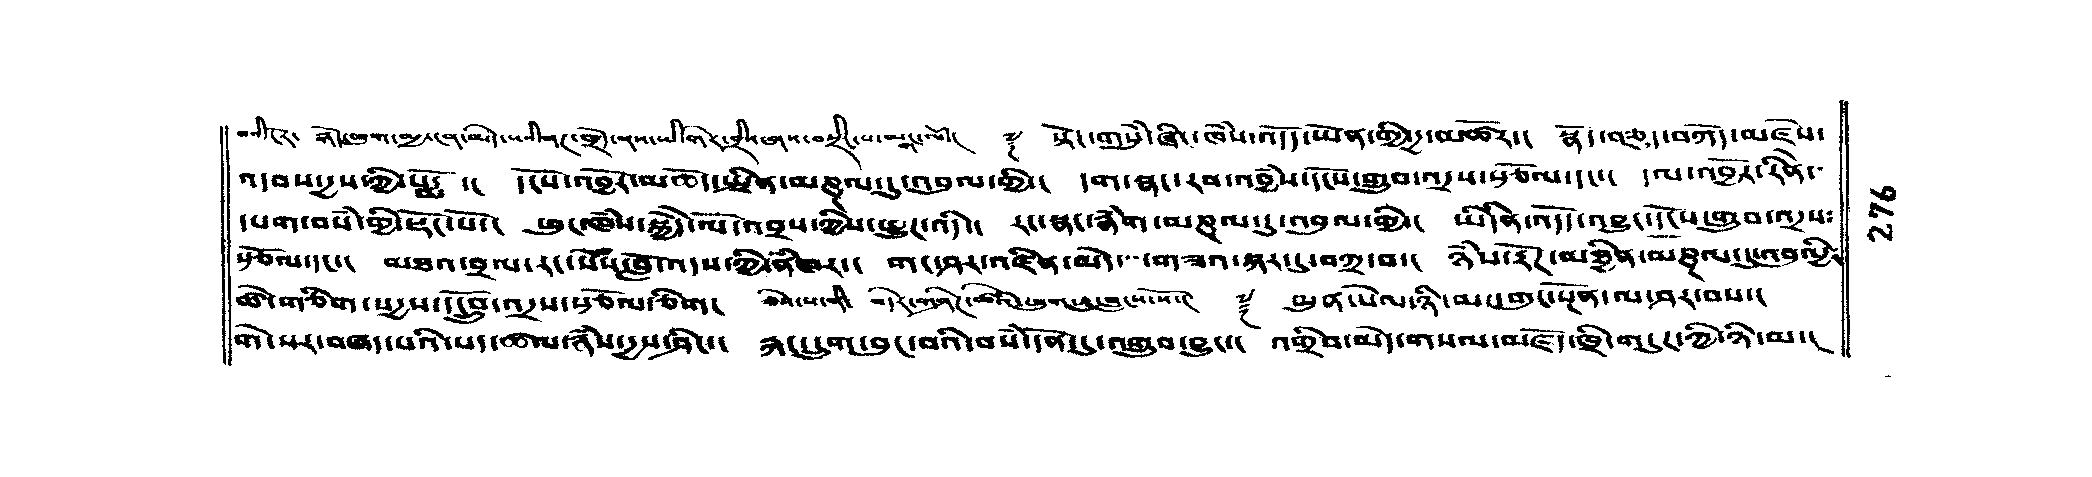བའི་ངོར། རྒོད་ཕུག་མྱ་ངན་མེད་པའི་ནགས་ཁྲོད་ནས་ཡི་གེར་བྲིས་ནས་བསྤྲིངས་པ་མངྒ་ལམ།། ༈ སྟོང་གསུམ་ཞིང་ཁམས་འདོད་ཡོན་གྱི་རྒྱ་མཚོར། སྣོད་བཅུད་བཀོད་མཛེས་
འདབ་རྒྱས་ཀྱི་པདྨོ། །དངོས་འབྱོར་མཆོད་སྤྲིན་མཎྜལ་དུ་འབུལ་གྱི། །དག་སྣང་རབ་འབྱམས་དངོས་གྲུབ་འདྲ་སྩོལ་དང་། །དལ་འབྱོར་རིན་ཆེན་
དཔག་བསམ་གྱི་སྡོང་པོ། །ཕུང་ཁམས་སྐྱེ་མཆེད་ལོ་འབྲས་ཀྱི་ཕྱུག་འདི། །རང་སྣང་རྣམ་དག་མཎྜལ་དུ་འབུལ་གྱི། །ཡིད་བཞིན་འདོད་འབྱུང་དངོས་གྲུབ་འདྲ་
སྩོལ་དང་། །མཐའ་བྲལ་རང་སེམས་བློ་འདས་ཀྱི་ནམ་མཁར། །གང་ཤར་འཛིན་མེད་གཟའ་སྐར་དུ་བཀྲ་བ། །ཉམས་རྟོགས་མཐུན་རྐྱེན་མཎྜལ་དུ་འབུལ་གྱི། 
ཚེ་གཅིག་སངས་རྒྱས་དངོས་གྲུབ་འདྲ་སྩོལ་ཅིག། ཅེས་པ་འདི། བདེ་གཤེགས་ཚེའི་ཕུག་ཏུ་བླངས་སོ།། ༈ མུན་སེལ་ཉི་མ་དགུང་སྔོན་ལ་ཤར་བས། །
གེ་སར་བཞད་པའི་པད་ཚལ་རྣམས་རྒྱས་ཤིང་། །རྐང་དྲུག་བུང་བའི་བསམ་དོན་དུ་འགྲུབ་བྱུང་། །འགྲིབ་མེད་གསལ་མཛོད་ཁྲི་གདུགས་ཀྱི་ཉི་མ།